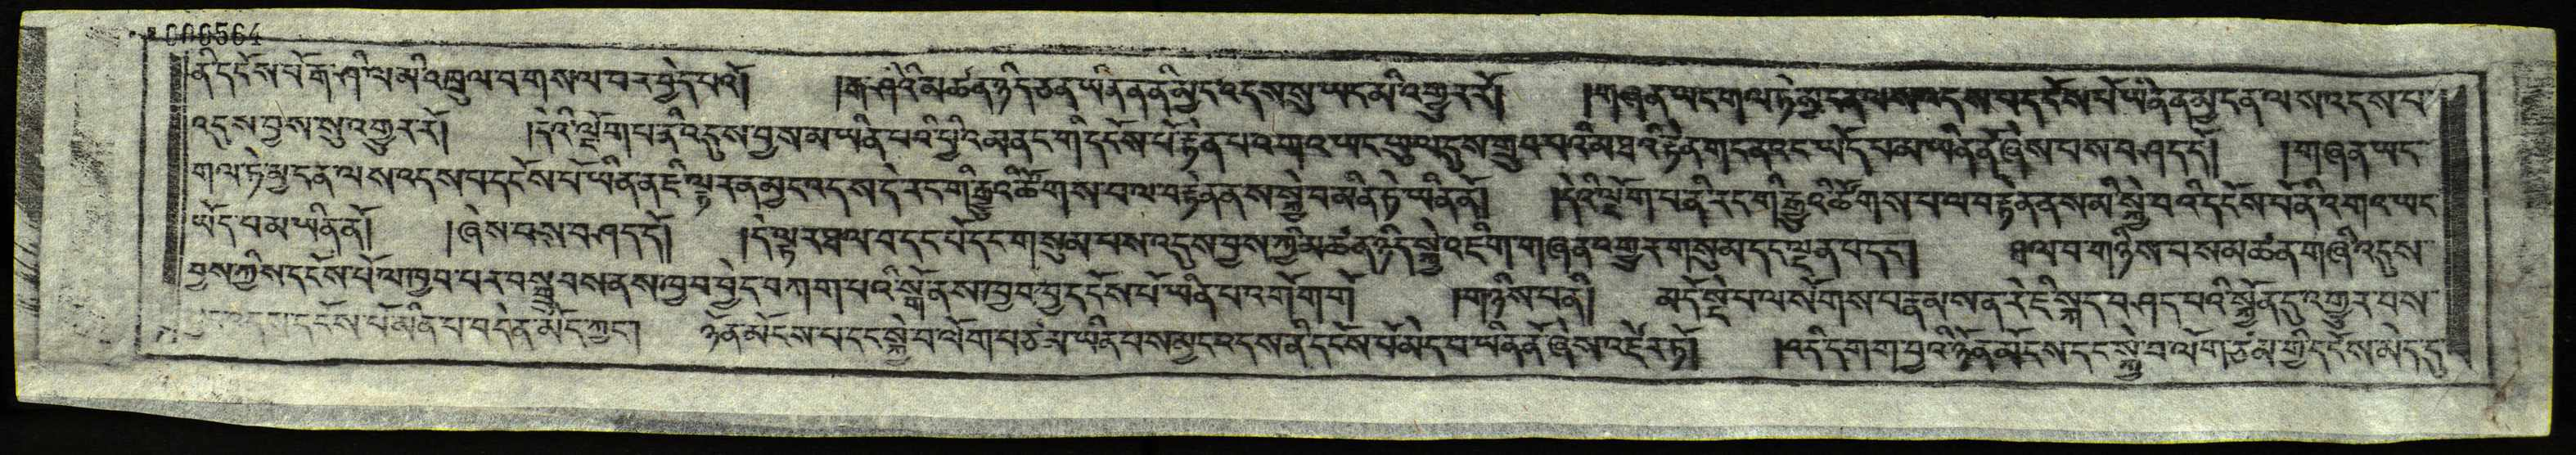ནི་དངོས་པོ་རྒ་ཤི་ལ་མི་འཁྲུལ་བ་གསལ་བར་བྱེད་པའོ། །རྒ་ཤིའི་མཚན་ཉིད་ཅན་ཡིན་ན་ནི་མྱང་འདས་སུ་ཡང་མི་འགྱུར་རོ། །གཞན་ཡང་གལ་ཏེ་མྱ་ངན་ལས་འདས་པ་དངོས་པོ་ཡིན་ན་མྱ་ངན་ལས་འདས་པ་
འདུས་བྱས་སུ་འགྱུར་རོ། །དེའི་ལྡོག་པ་ནི་འདུས་བྱས་མ་ཡིན་པའི་ཕྱི་འམ་ནང་གི་དངོས་པོ་རྟེན་པ་འགའ་ཡང་ཡུལ་དུས་གྲུབ་པའི་མཐའི་རྟེན་གང་ནའང་ཡོད་པ་མ་ཡིན་ནོ་ཞེས་པས་བཤད་དོ། །གཞན་ཡང་
གལ་ཏེ་མྱ་ངན་ལས་འདས་པ་དངོས་པོ་ཡིན་ན་ཇི་ལྟར་ན་མྱང་འདས་དེ་རང་གི་རྒྱུའི་ཚོགས་པ་ལ་བརྟེན་ནས་སྐྱེ་བ་མིན་ཏེ་ཡིན་ནོ། །དེའི་ལྡོག་པ་ནི་རང་གི་རྒྱུའི་ཚོགས་པ་ལ་བརྟེན་ནས་མི་སྐྱེ་བའི་དངོས་པོ་ནི་འགའ་ཡང་
ཡོད་པ་མ་ཡིན་ནོ། །ཞེས་པས་བཤད་དོ། །དེ་ལྟར་ཐལ་བ་དང་པོ་དང་གསུམ་པས་འདུས་བྱས་ཀྱི་མཚན་ཉིད་སྐྱེ་འཇིག་གཞན་འགྱུར་གསུམ་དང་ལྡན་པ་དང་། ཐལ་བ་གཉིས་པས་མཚན་གཞི་འདུས་
བྱས་ཀྱིས་དངོས་པོ་ལ་ཁྱབ་པར་བསྒྲུབས་ནས་ཁྱབ་བྱེད་བཀག་པའི་སྒོ་ནས་ཁྱབ་བྱ་དངོས་པོ་ཡིན་པ་འགོག་གོ །གཉིས་པ་ནི། མདོ་སྡེ་པ་ལ་སོགས་པ་རྣམས་ན་རེ་ཇི་སྐད་བཤད་པའི་སྐྱོན་དུ་འགྱུར་བས་
མྱང་འདས་དངོས་པོ་མིན་པ་བདེན་མོད་ཀྱང་། ཉོན་མོངས་པ་དང་སྐྱེ་བ་ལོག་བ་ཙམ་ཡིན་པས་མྱང་འདས་ནི་དངོས་པོ་མེད་པ་ཡིན་ནོ་ཞེས་འཛེར་ཏོ། །འདི་དགག་བྱའི་ཉོན་མོངས་དང་སྐྱེ་བ་ལོག་ཙམ་གྱི་དངོས་མེད་དུ་